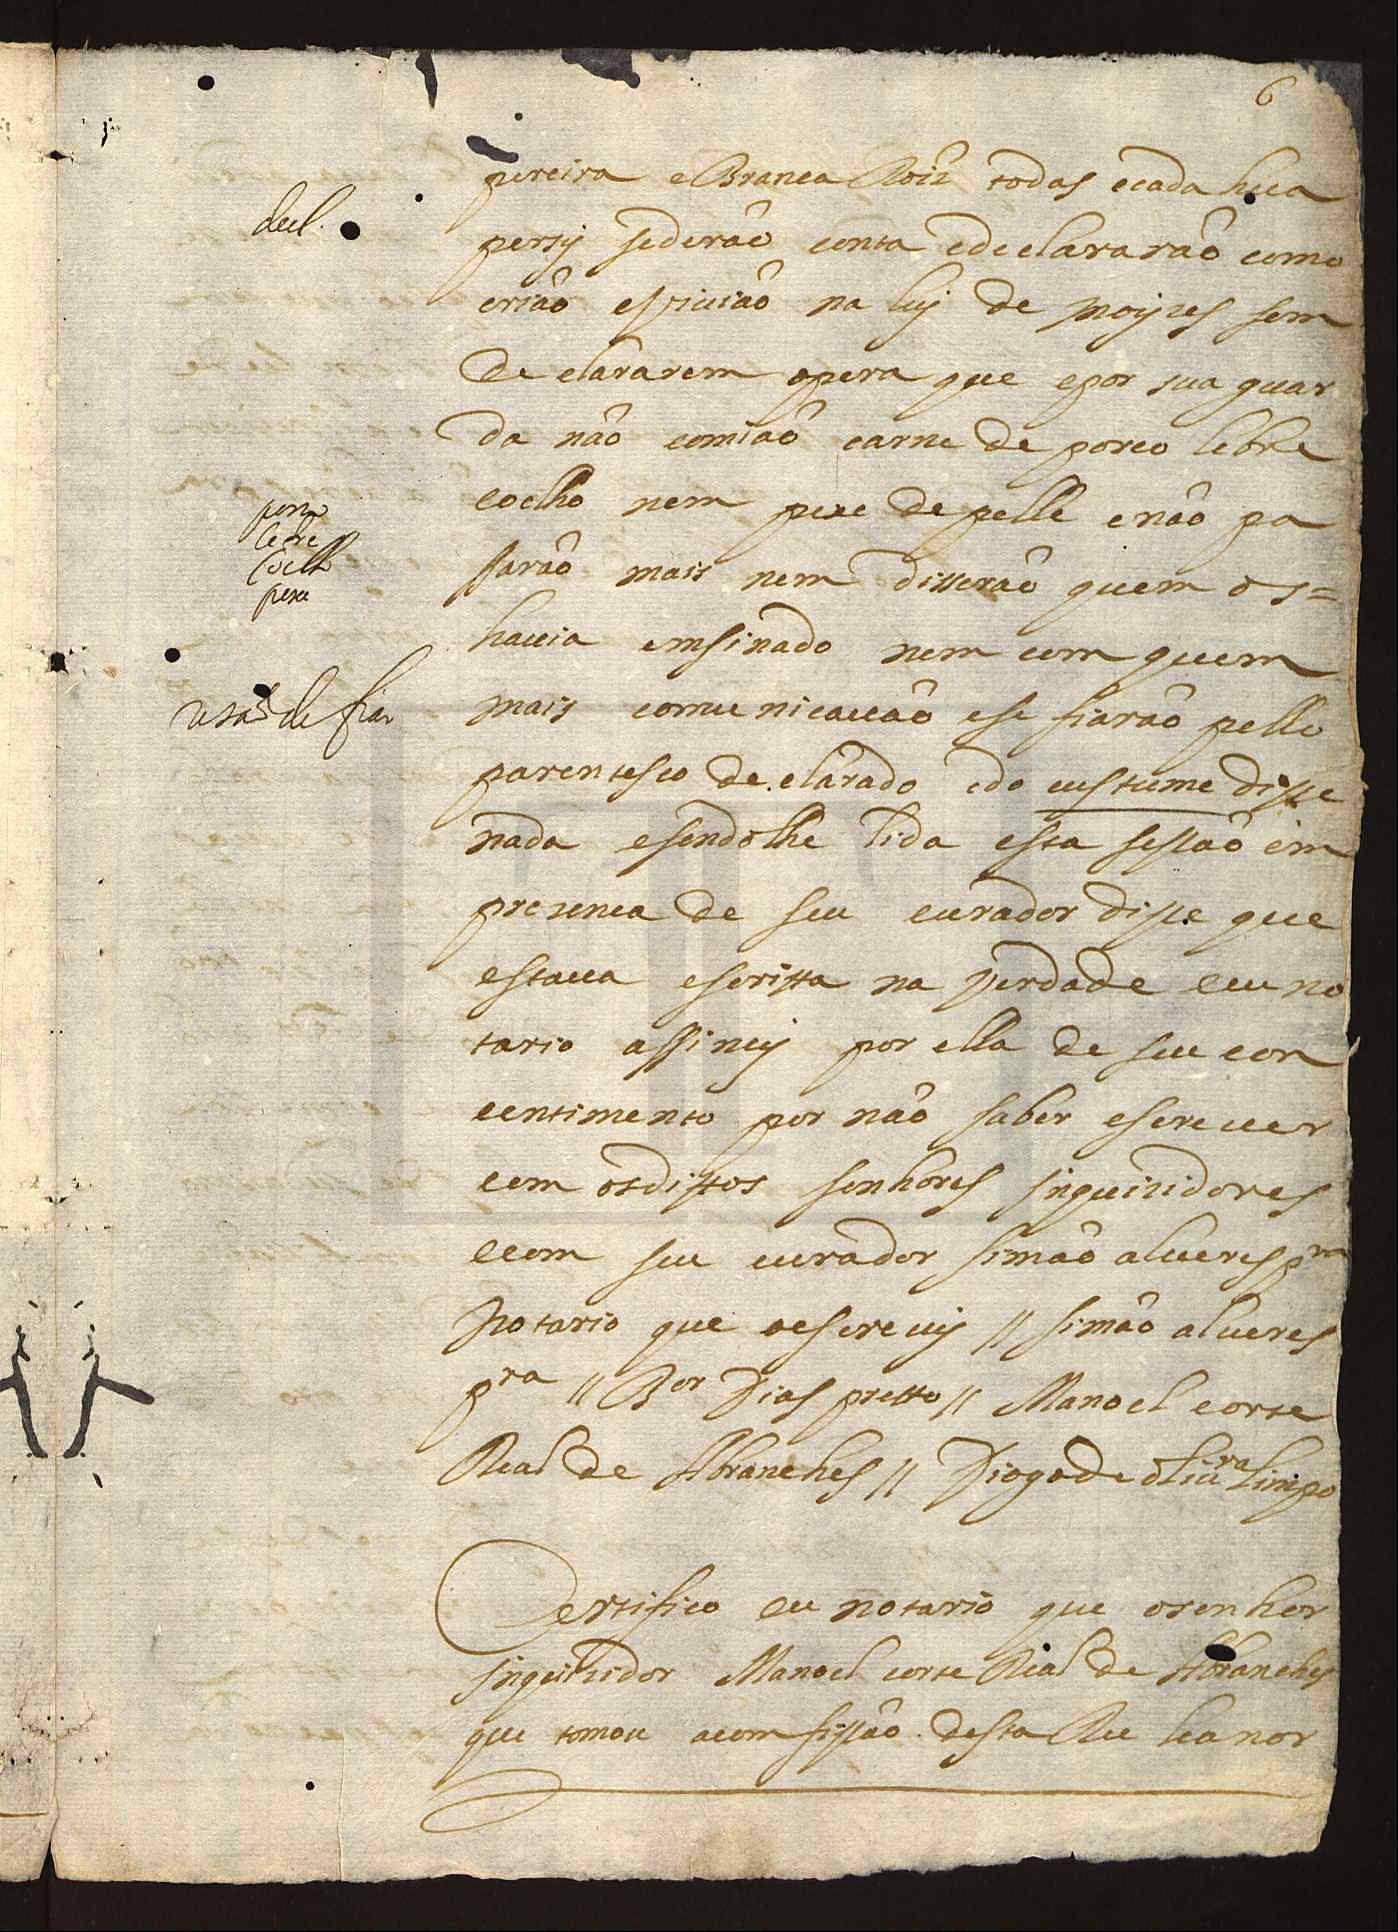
6
pereira e Branca Roiz̄ todas e cada hua
decl.
per sy se derão conta e declararaõ como
criaõ e Viviaõ na ley de moyzes sem
declararem o pera que e por sua guar
da naõ comiaõ carne de porco lebre
coelho nem pexe de pelle e não pa
porco
lebre
Coelho
pexe
ssaraõ mais nem disseraõ quem os
hauia emsinado nem com quem
mais comunicauaõ e se fiaraõ pello
rezaõ de fiar
parentesco declarado e do custume disse
nada e sendolhe lida essa sessaõ em
prezenca de seu curador disse que
estaua escritta na Verdade e eu no
tario assiney por ella de seu con
centimento por naõ saber escreuer
com os dittos senhores jnquizidores
e com seu curador simaõ alueres pra
Notario que o escrevy // simaõ alueres
pra // Bar Dias pretto // Manoel corte
Real de Abranches // Diogo de oliura Limpo
Certifico eu notario que o senhor
Jnquizidor Manoel corte Real de Abranches
que tomou a comfissaõ desta Ree Leanor
